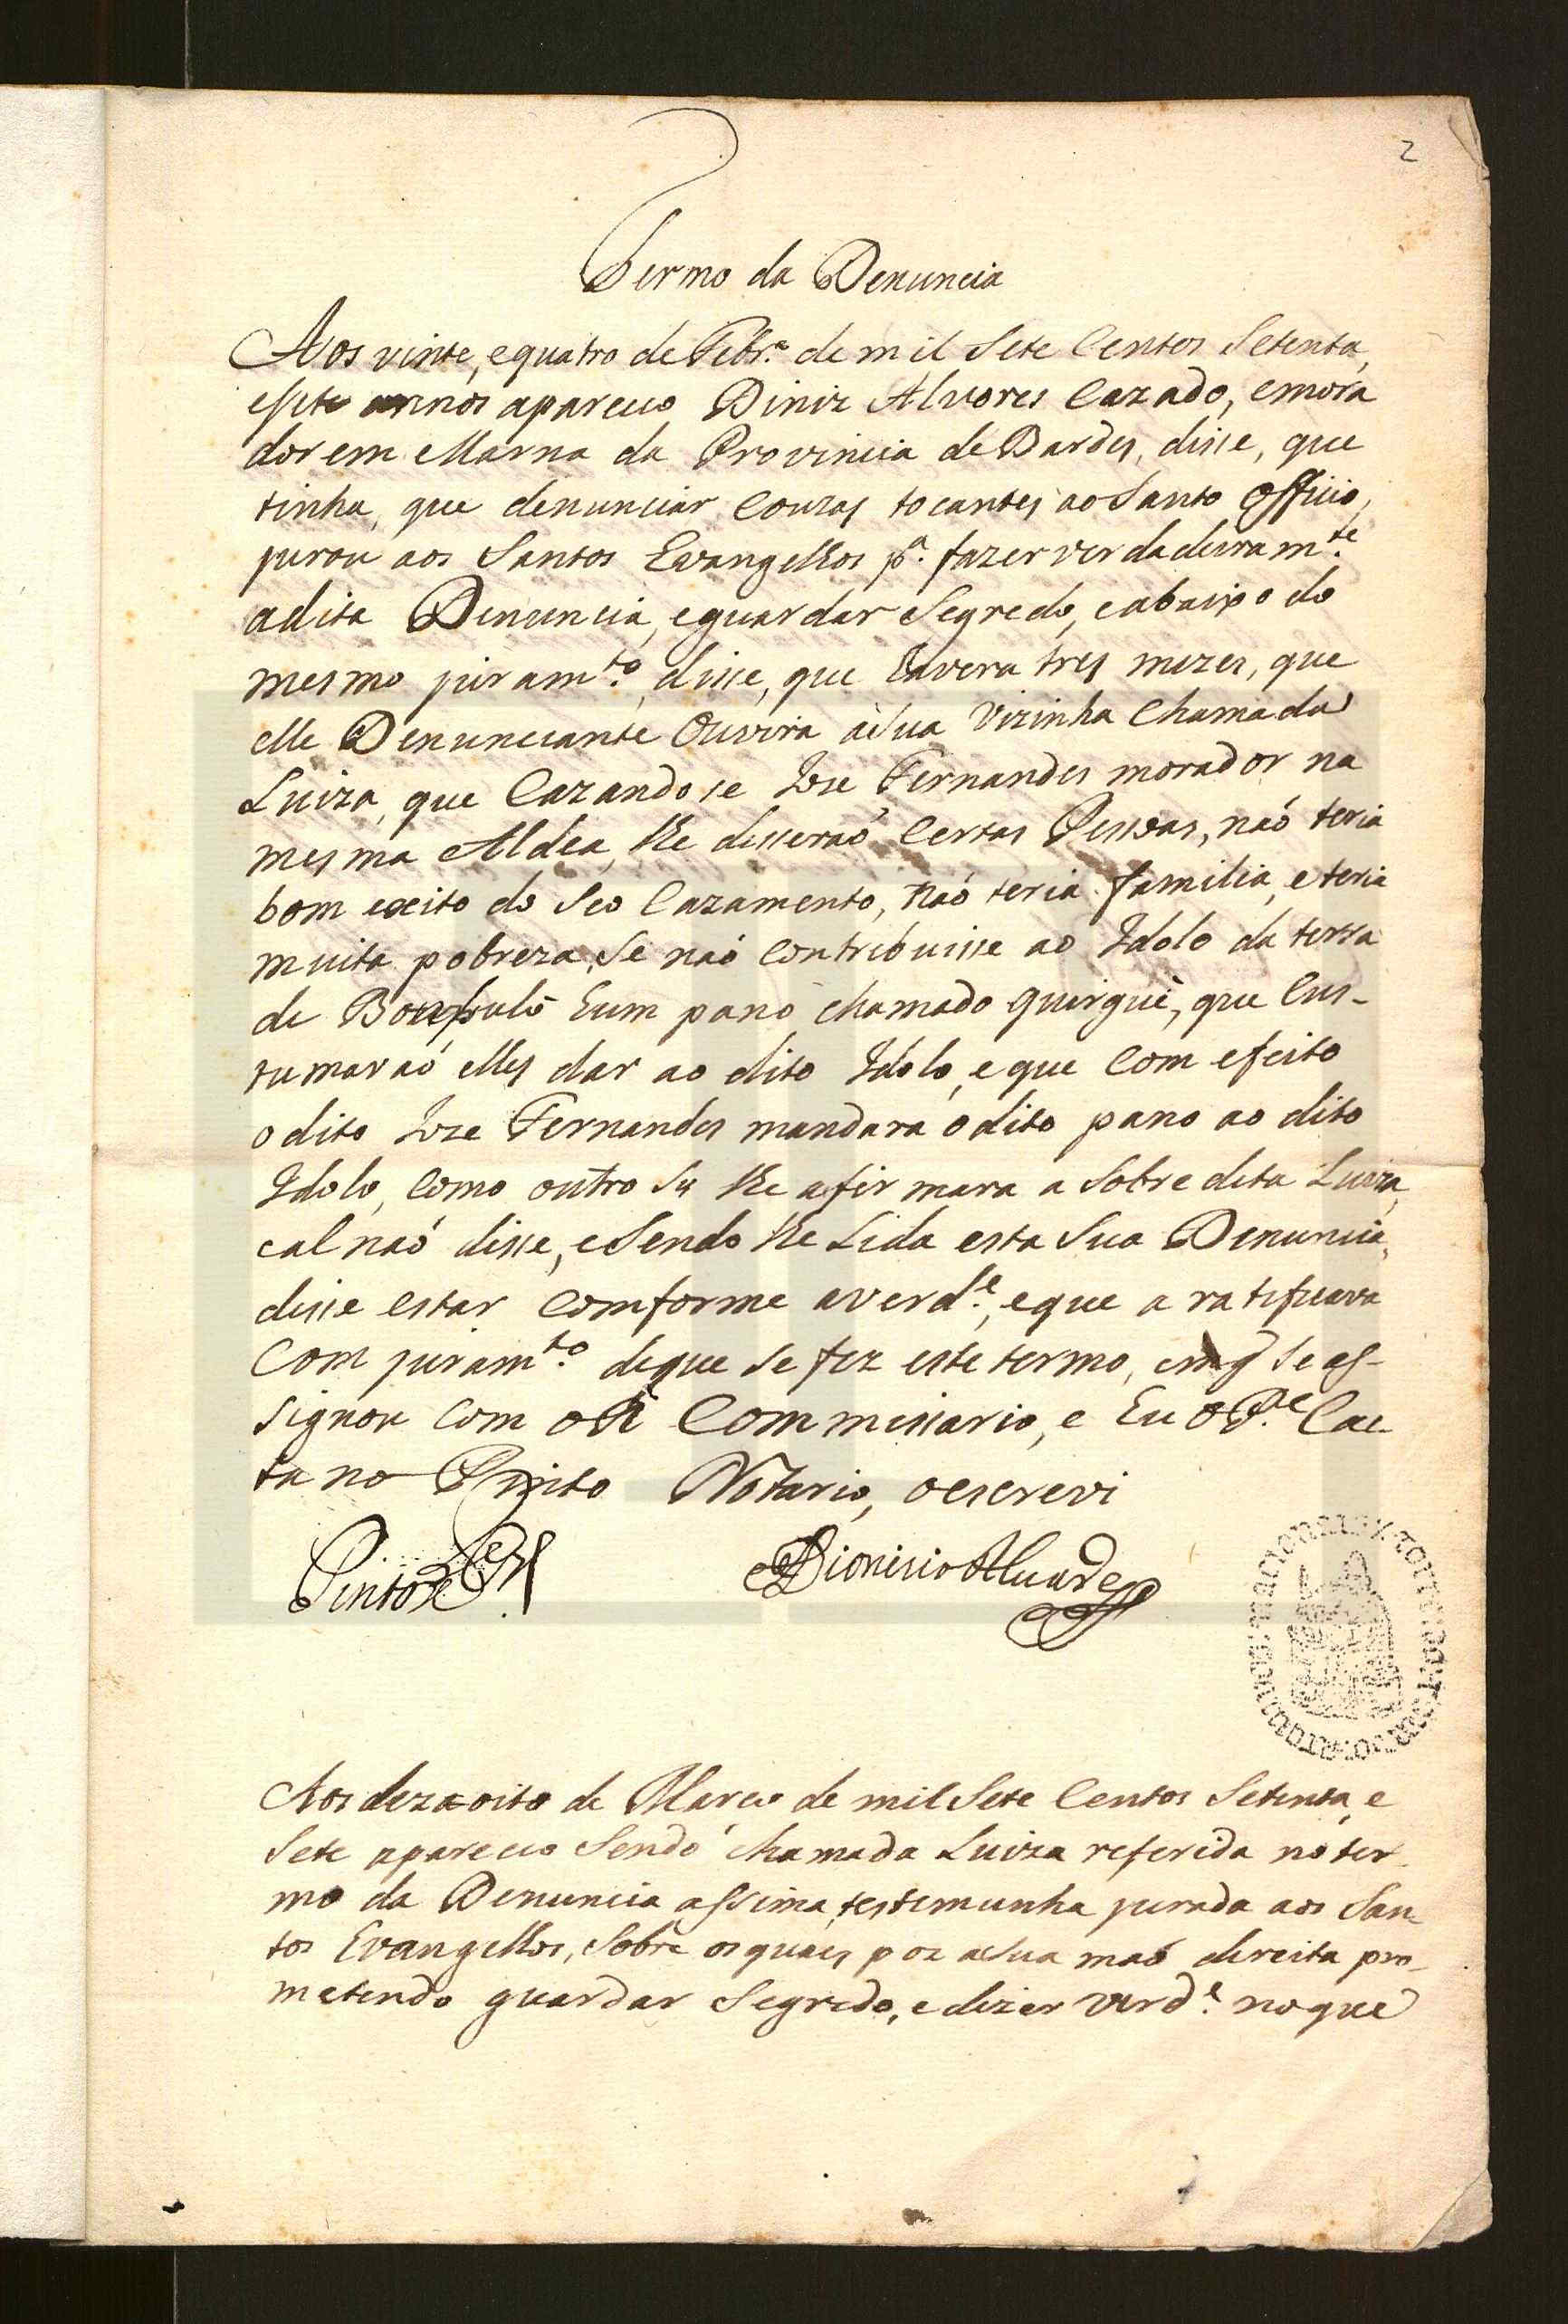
Termo da Denuncia
Aos vinte, e quatro de Febr.o de mil seteCentos setenta,
e sete annos apareceo Diniz Alvores cazado, e mora
dor em Marna da Provincia de Bardes, disse, que
tinha, que denunciar couzas tocantes ao Santo Officio,
jurou aos Santos Evangelhos p.a fazer verdadeiram.te
a dita Denuncia, e guardar Segredo, e abaixo do
mesmo juram.to, disse, que haverá tres mezes, que
elle Denunciante Ouvira a sua vizinha chamada
Luiza, que Cazandose Ioze Fernandes morador na
mesma Aldea, lhe disseraõ certas Pessoas, naõ teria
bom exito do seo Cazamento, naõ teria familia, e teria
muita pobreza, se naõ contribuisse ao Idolo da terra
de Bo__ulo hum pano chamado quergue, que cus
tumavaõ elles dar ao dito Idolo, e que com efeito
o dito Ioze Fernandes mandara o dito pano ao dito
Idolo, como outrosy lhe afirmara a sobredita Luiza,
e al naõ disse, e Sendolhe Lida esta Sua Denuncia,
disse estar comforme a verd.e, e que a ratificava
com juram.to de que se fez este termo, em q̄ se as
signou com o R Commissario, e Eu o P.e Cae
tano Pinto Notario, o escrevi
Dionisio Aluares
Pinto xer
Aos dezaoito de Março de mil SeteCentos setenta, e
sete apareceo sendo chamada Luiza referida no ter
mo da Denuncia assima, testemunha jurada aos San
tos Evangelhos, sobre os quais poz a sua maõ direita pro
metendo guardar segredo, e dizer verd.e no que
